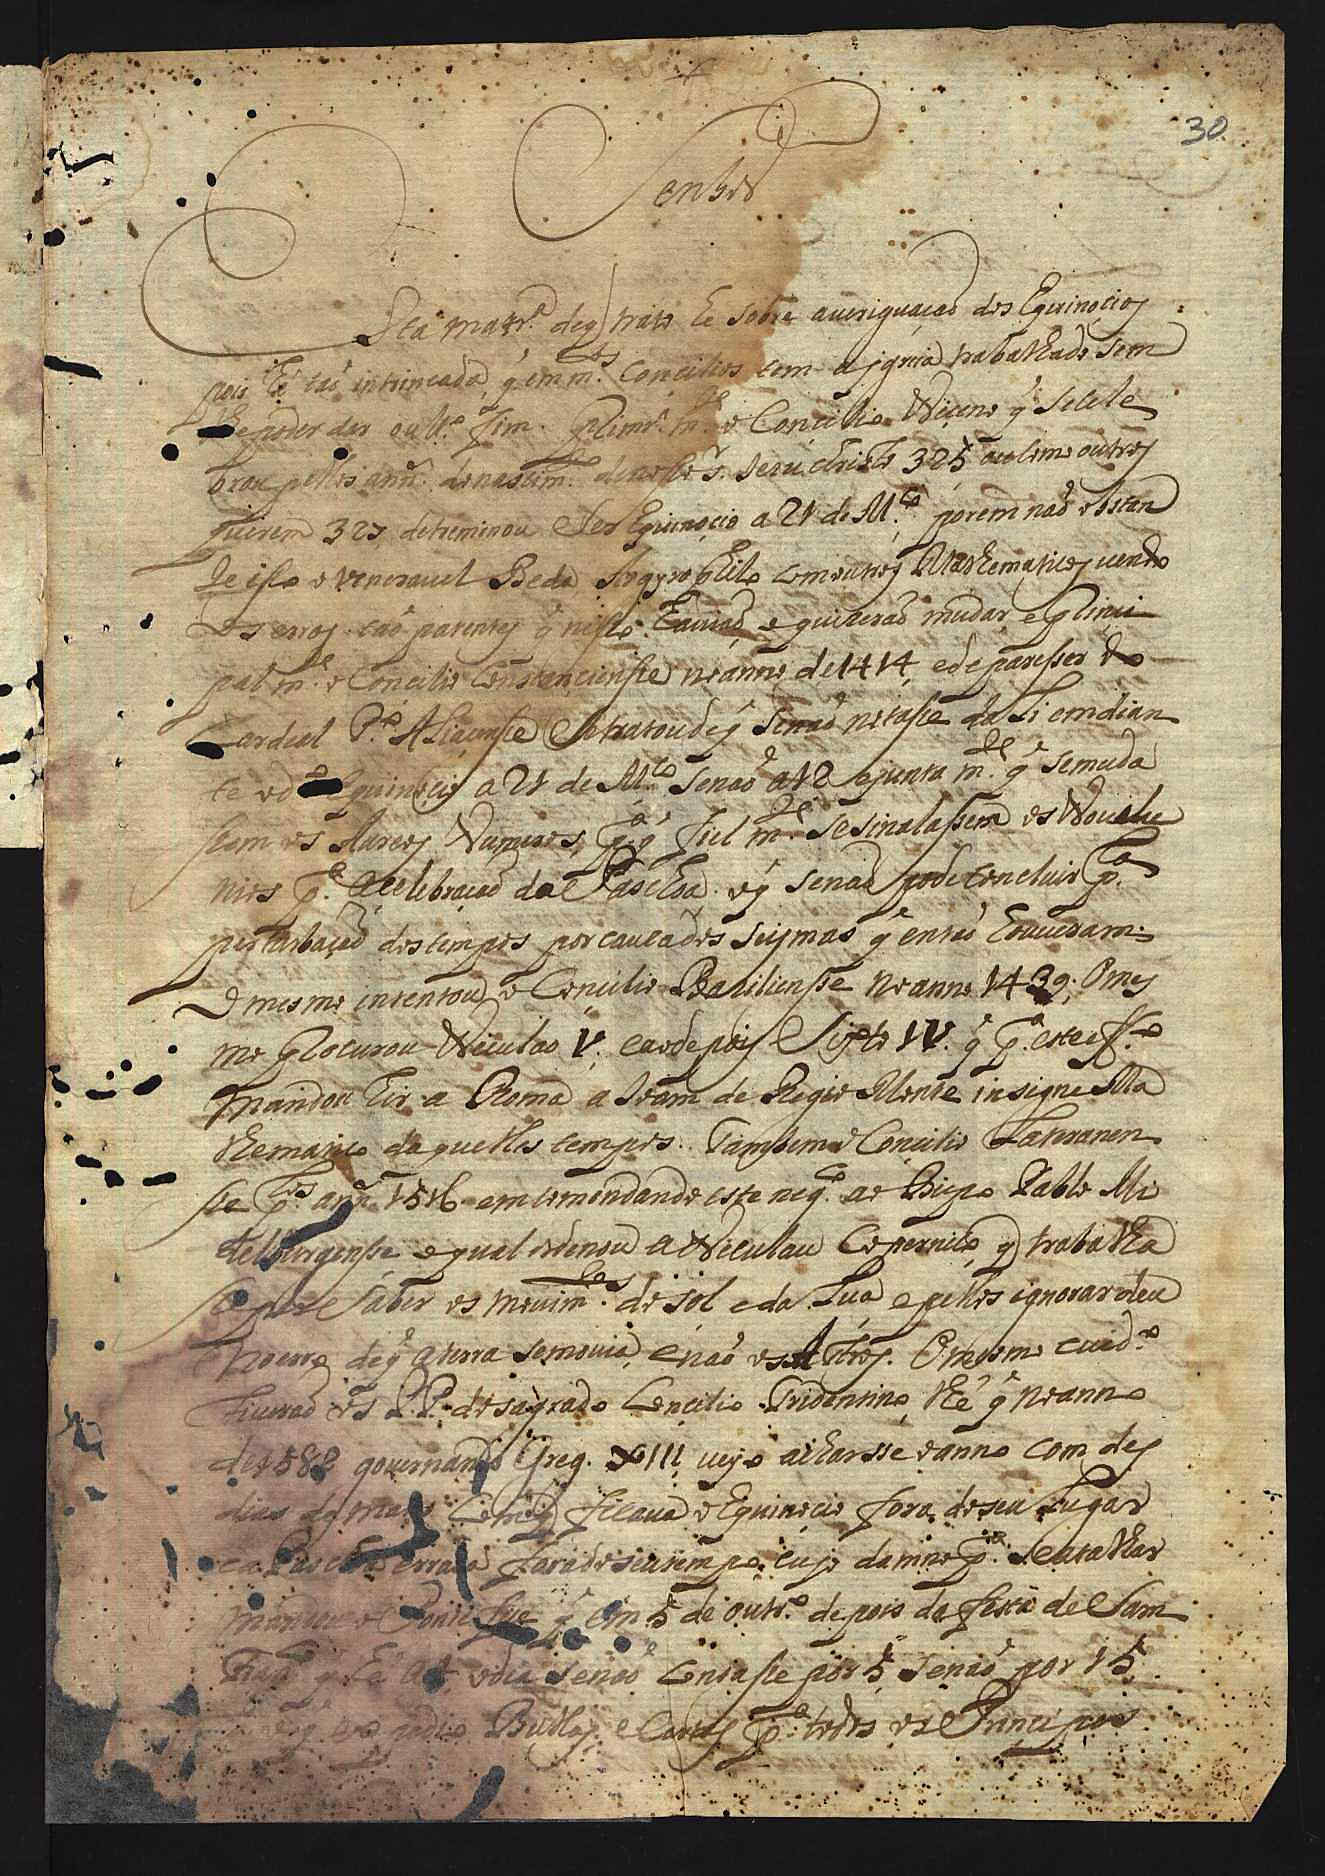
Senhor.
Esta matr.a de q̄ trato he sobre aueriguaçaõ dos Equinoçios
pois hé taõ intrincada, q̄ em m.tos Concilios tem a jgreia trabalhado sem
lhe poder dar o ult.o fim pRimr.am.te o Concilio Niçeno q̄ se cele
brou pellos ann.s do nascim.to de nosso s.r Iesu christo 325 ou Como outros
querem 327, detreminou Ser Equinocio a 21 de M.ço porem naõ obstan
te isso o venerauel Beda, Argyrophilo com outros Mathematicos uendo
os erros taõ parentes q̄ nisto hauiaõ, e quizeraõ mudar e pRinci
palm.te o Concilio Constanciensse no anno de 1414, e de paresser do
Cardeal P.e Aliaçensse se tratou de q̄ se naõ notasse dali em dian
te o d.o Equinoçio a 21 de M.co senaõ a 12 e juntam.te q̄ se muda
ssem os Aureos Numeros, p.a q̄ fielm.te se sinalassem os Nouelu
nios p.a a celebraçaõ da Paschoa; o q̄ se naõ pode concluir p.la
perturbaçaõ dos tempos por cauza dos seismas q̄ entaõ houueram.
O mesmo intentou o Concilio Baziliensse no anno 1439. O mes
mo pRocurou Niculao V; e ao depois Sixto 1V. q̄ p.a este eff.o
mandou hir a Roma a Ioam de Regio Monte insigne Ma
thematico daquelles tempos. Tambem o Conçilio Lateranen
sse p.los ann.s 1516. emcomendando este neg.co ao Bispo Pablo Mi
delburgensse, o qual ordenou a Niculau Copernico, q̄ trabalha
so por Saber os mouim.tos do sol e da Lua, e pellos ignorar deu
no erro de q̄ a terra se mouia, e naõ os Astros. O mesmo cuid.o
tiueraõ o s. P.P. do sagrado Concilio. Tridentino thé q̄ no anno
de 1582 gouernando Greg. X111, ueyo acharsse o anno com des
dias de ma_ Com q̄ ficaua o Equinocio fora do seu Lugar
e a Pasch_a erra_a fora do seu tempo cujo damno p.a se atalhar
mandou o Pontefice q̄ em 5 de outr.o depois da festa de Sam
Fran.co q̄ he a 4 o dia senaõ contasse por 5, senaõ por i5,
Foy o q̄ expedio Bullas, e Cartas p.a todos os Principes
